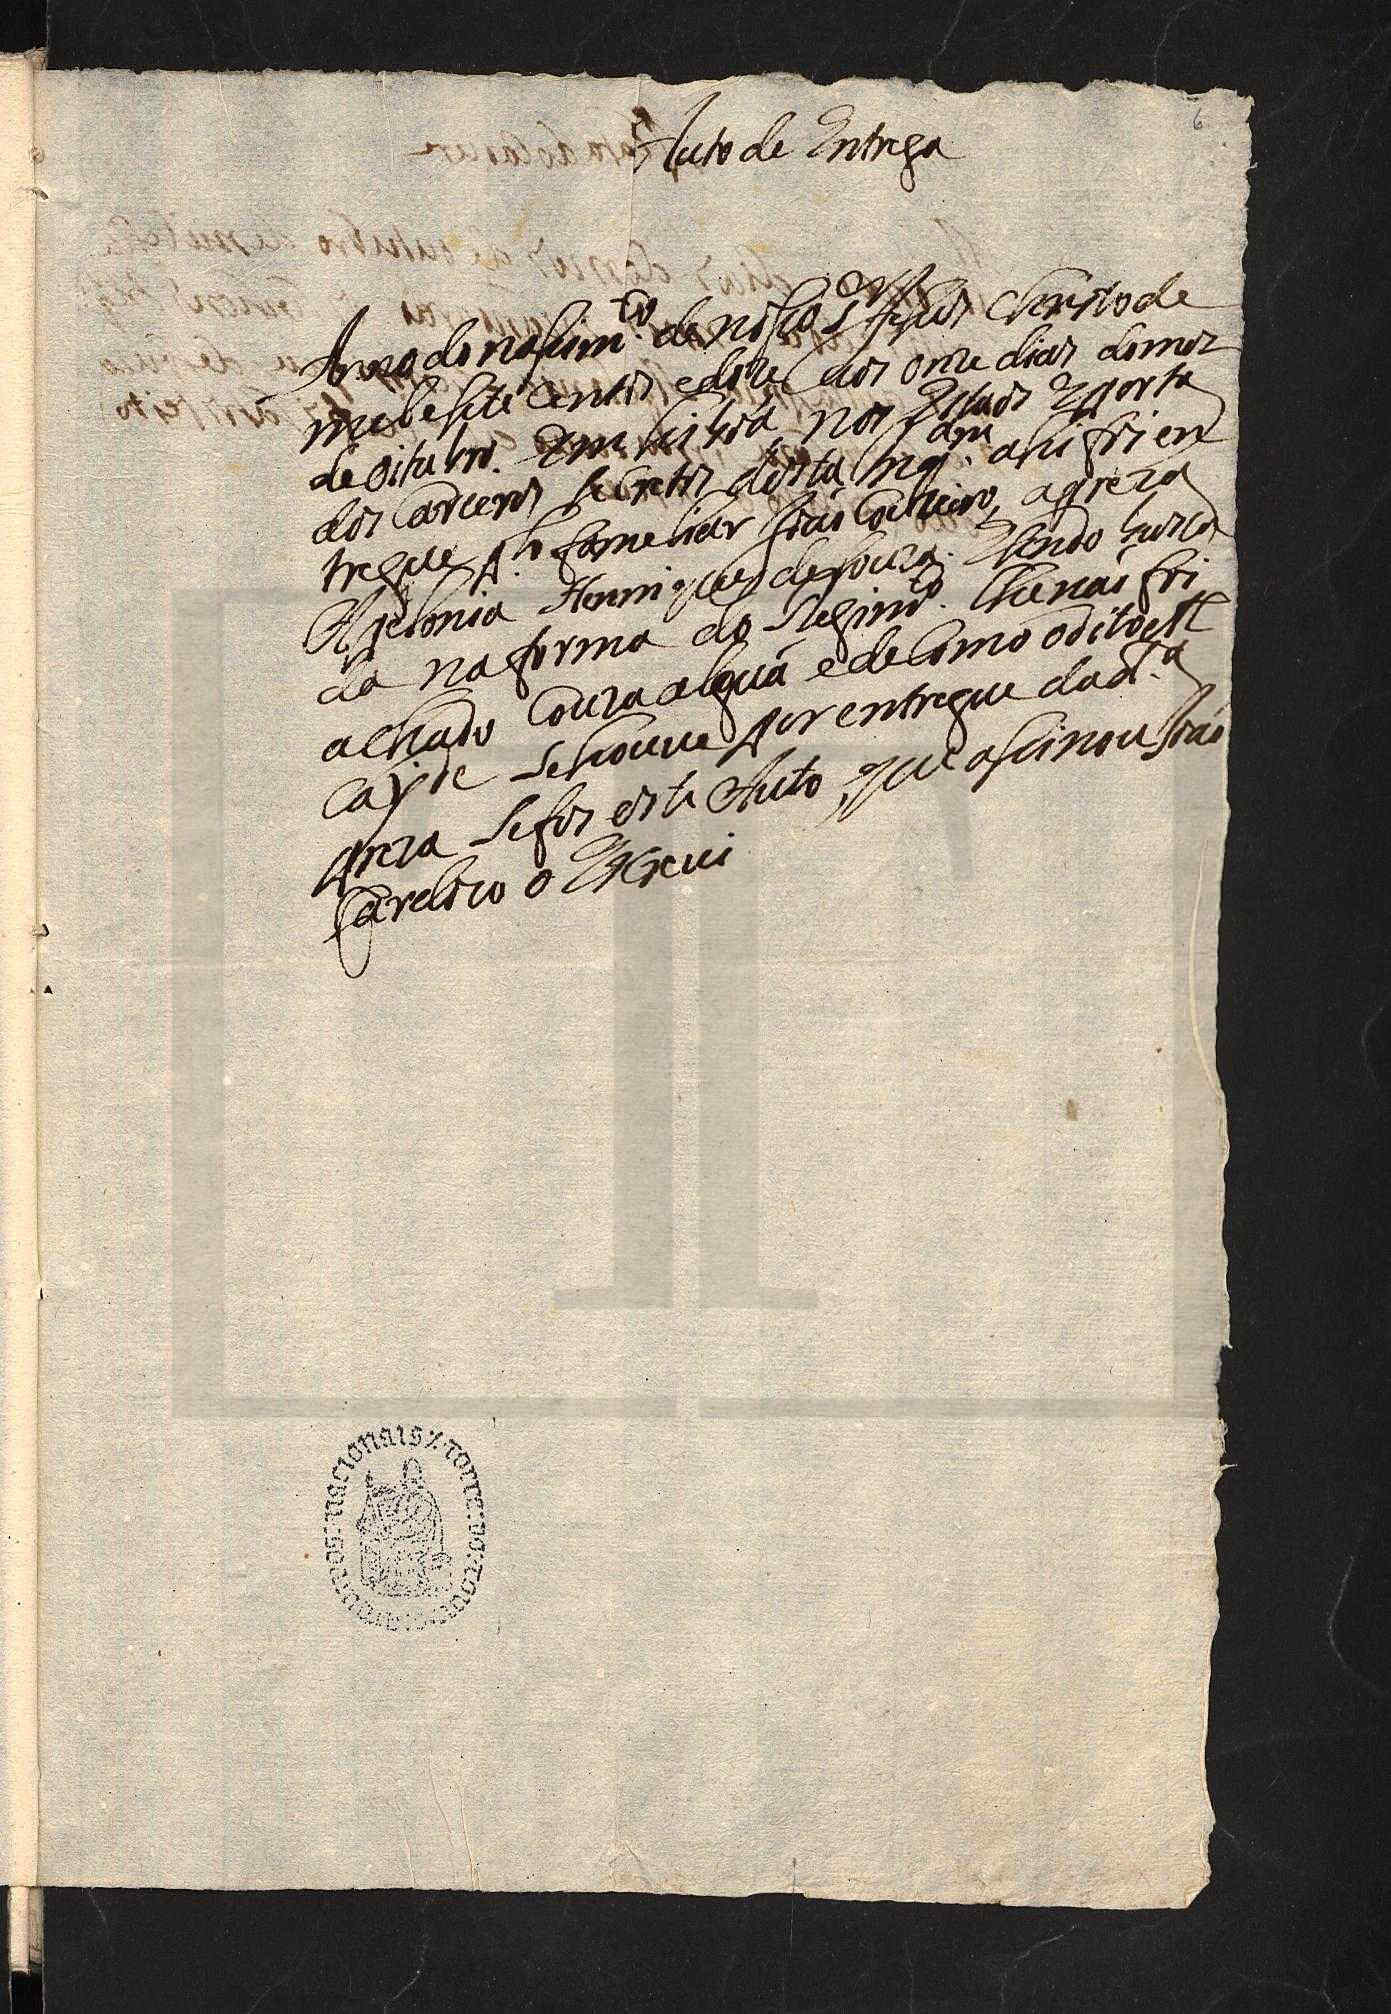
Auto de Entrega
Anno do nassim.to de nosso s.or Jesus christo de
mil e setecentos e doze aos onze dias do mes
de oitubro. Em lisboa nos Estaos E porta
dos Carceres secretos desta Inq.am ahi foi en
tegue p.lo fameliar João Couzeiro, a preza
Apelonia Henrriques de souza. E sendo busca
da na forma do Regim.to lhe naõ foi
achado Couza alguā e de Como o dito Al
cayde se houue per entregue da d̄.a
preza se fes este Auto, que assinou Ioaõ
Cardozo o Escreui
